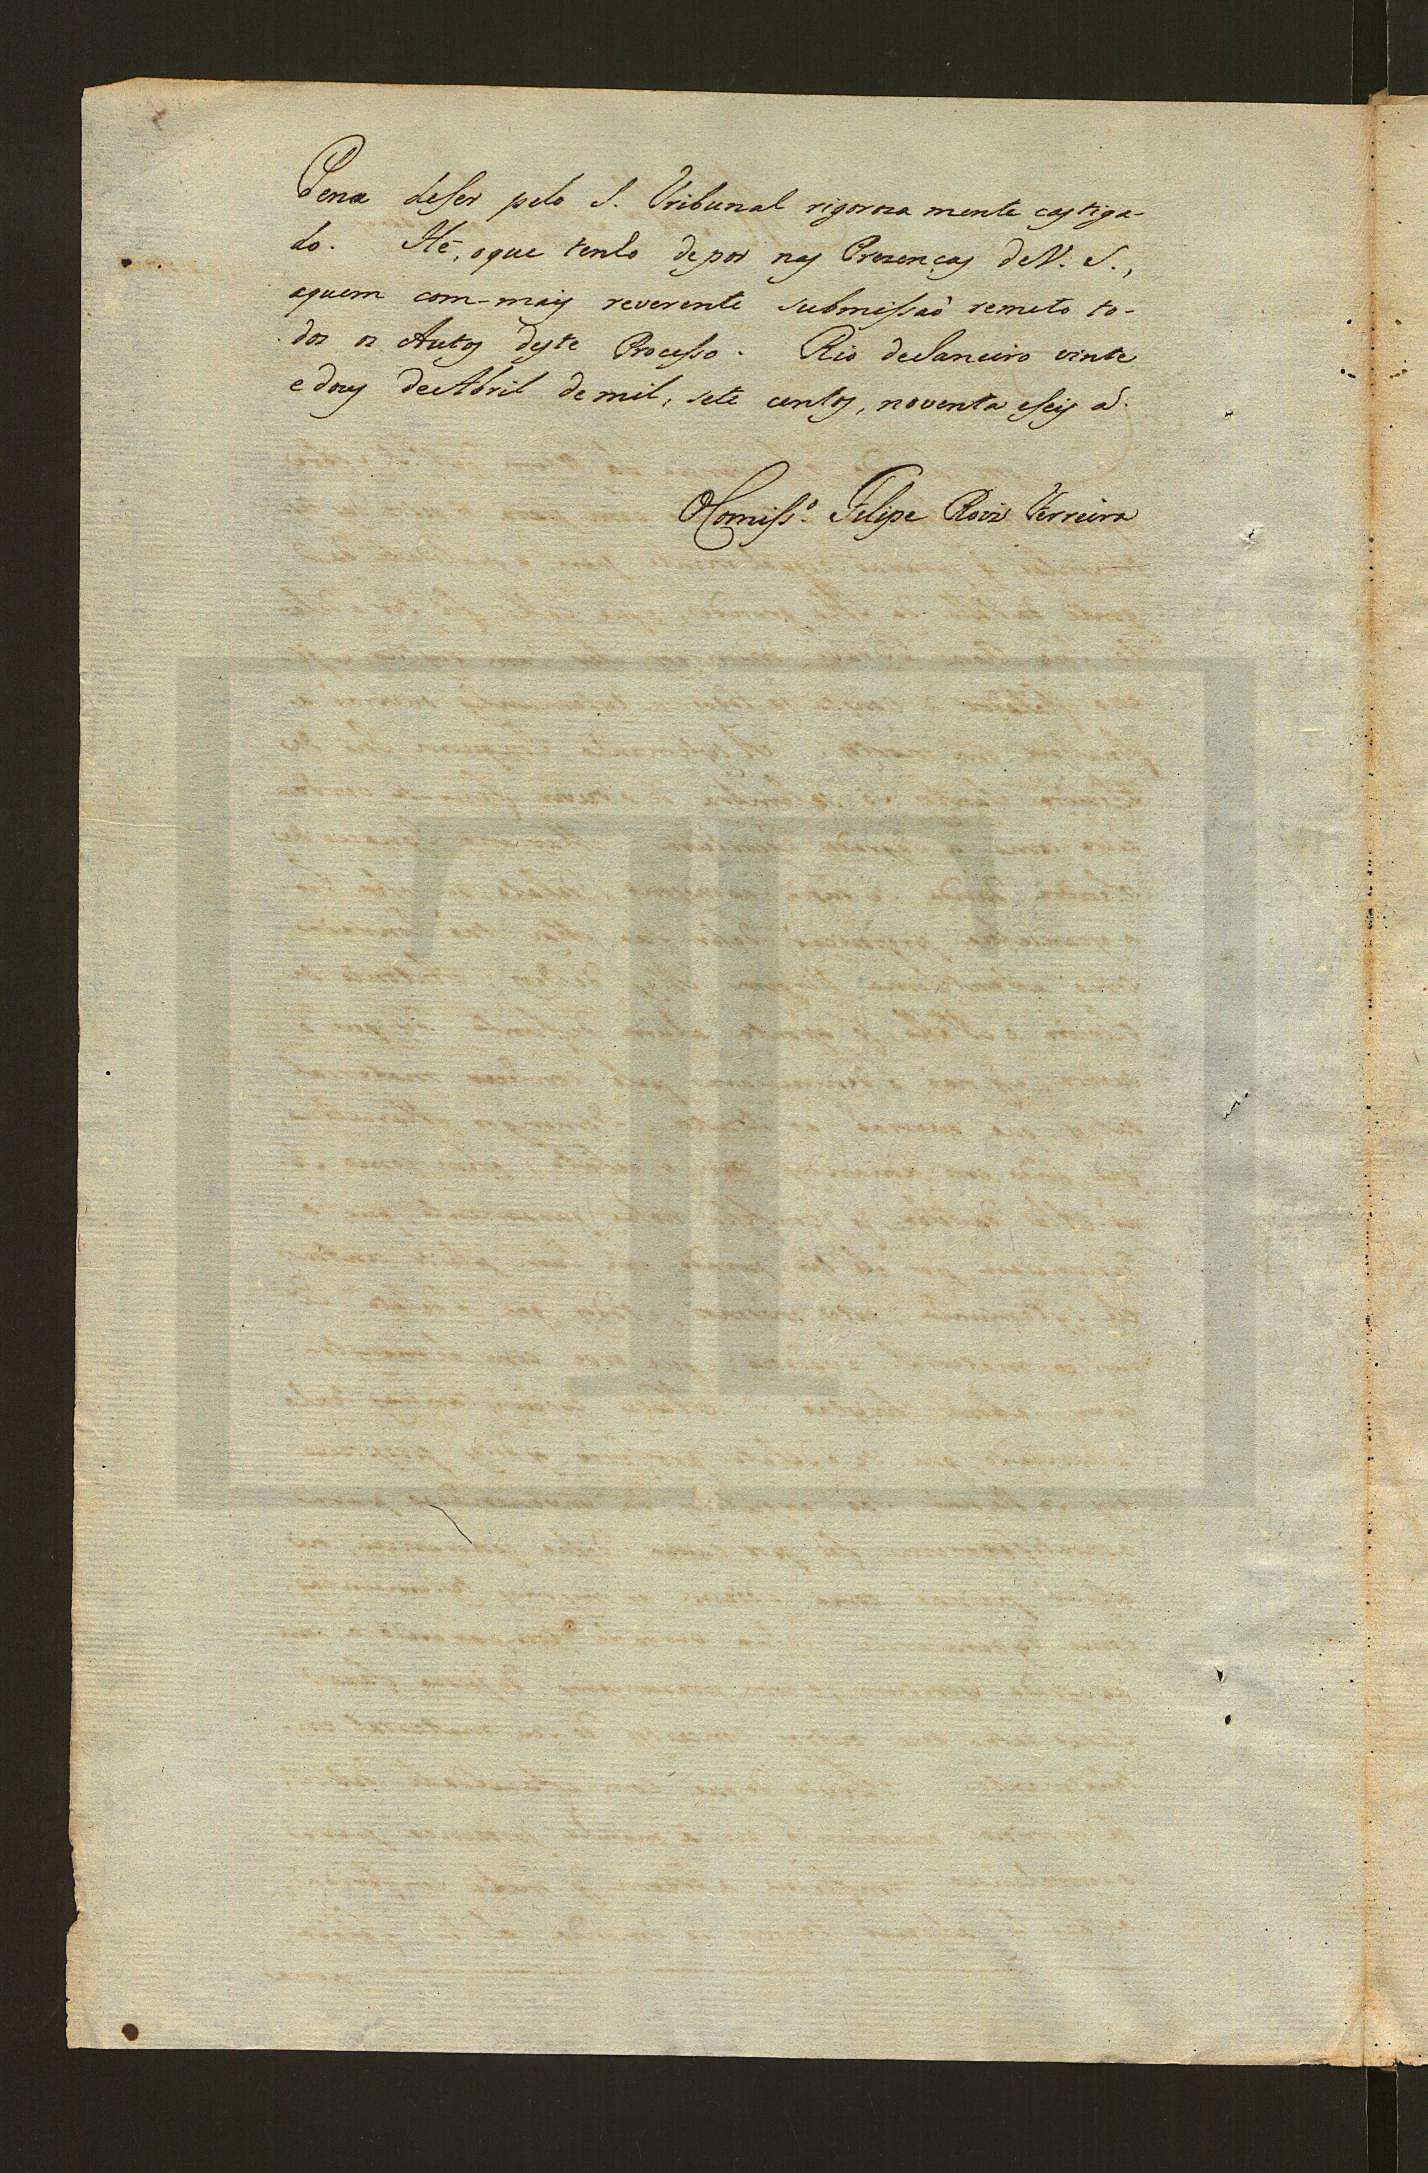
Pena de ser pelo S. Tribunal rigorozamente castiga
do. Hé, o que tenho de por nas Prezenças de V. S.,
a quem com mais reverente submissaõ remeto to
dos os Autos deste Processo. Rio de Janeiro vinte
e dous de Abril de mil, setecentos, noventa e seis a.
O Comiss.o Felipe Rois Ferreira
